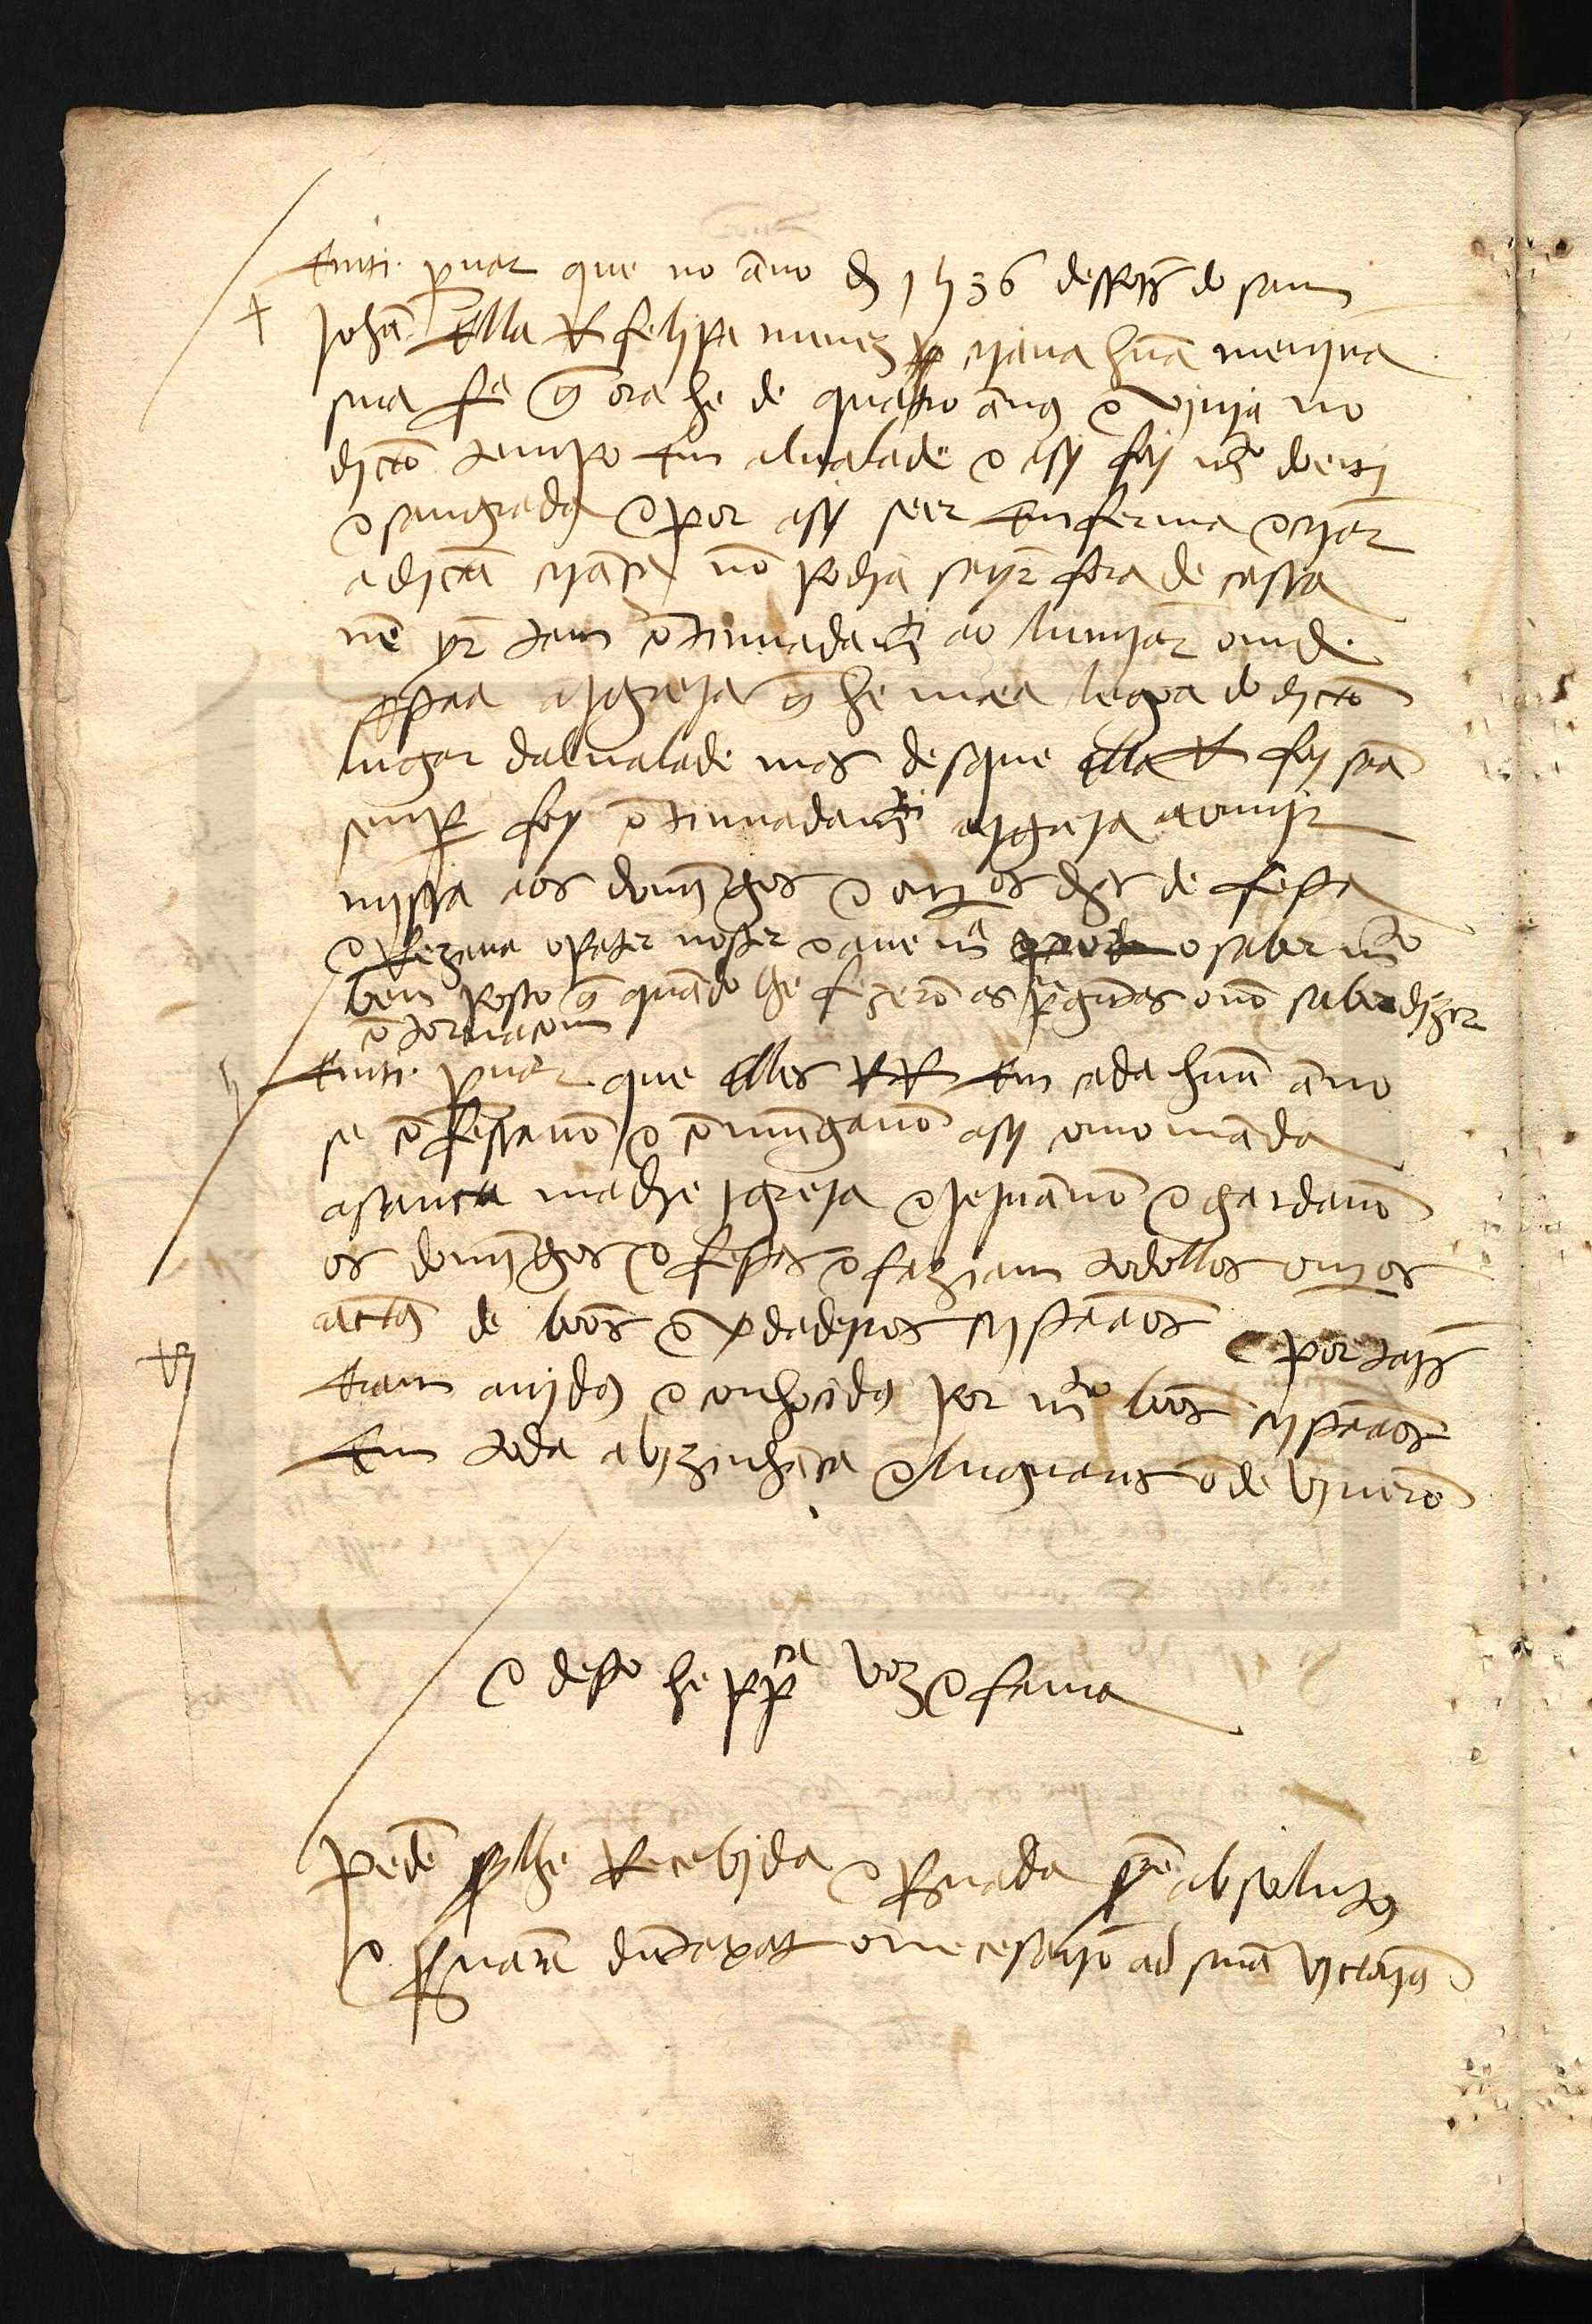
Emti. ꝓuar que no āno dj j536 despojs do sam
Johā Ella R feljpa nunez _ crjaua hūa menjna
sua fa q̄ ora he de quatro ānꝯ e vjuja no
djcto tempo Em alualade e asy foy mto doentj
e sangrada e por asy seer Emferma e crjar
a djcta crjāça n̄o podja sayr fora de cassa
nē yr tam c̄otinuadamti ao lumjar omde
Estaa a jgreja q̄ he mea legoa do djcto
lugar dalualade mas des que Ella R foy sāa
senꝑ foy c̄otinuadamti a jgreja a ouujr
mjssa aos domj̄gos e outos djas de festa
e Rezaua o pater noster e aue ma por o saber mto
bem posto q̄ quādo lhe fezer̄o as p̄gūtas o n̄o soube djzer
c̄o toruaçom
Emti. ꝓuar que Elles RR Em cada hūu āno
se c̄ofessauō e c̄omūgauō asy como māda
a sancta madre jgreja e jejuāuō e gardaūo
os domj̄gos e festas e faziam todollos outos
actꝯ de boōs e ꝟdadejros crjstaãos e por tajs
Eram aujdꝯ e conhecidꝯ por mto boōs crjstaãos
Em toda a vjzinhāça e lugares ōde vjuer̄o
e desto he ppca voz e fama
Ped̄e ꞩlhe Recebjda e ꝓuada ꞩē absolutꝯ
e ꝓuar̄a dūtaxat o necesarjo ad suā vjctorj̄a
